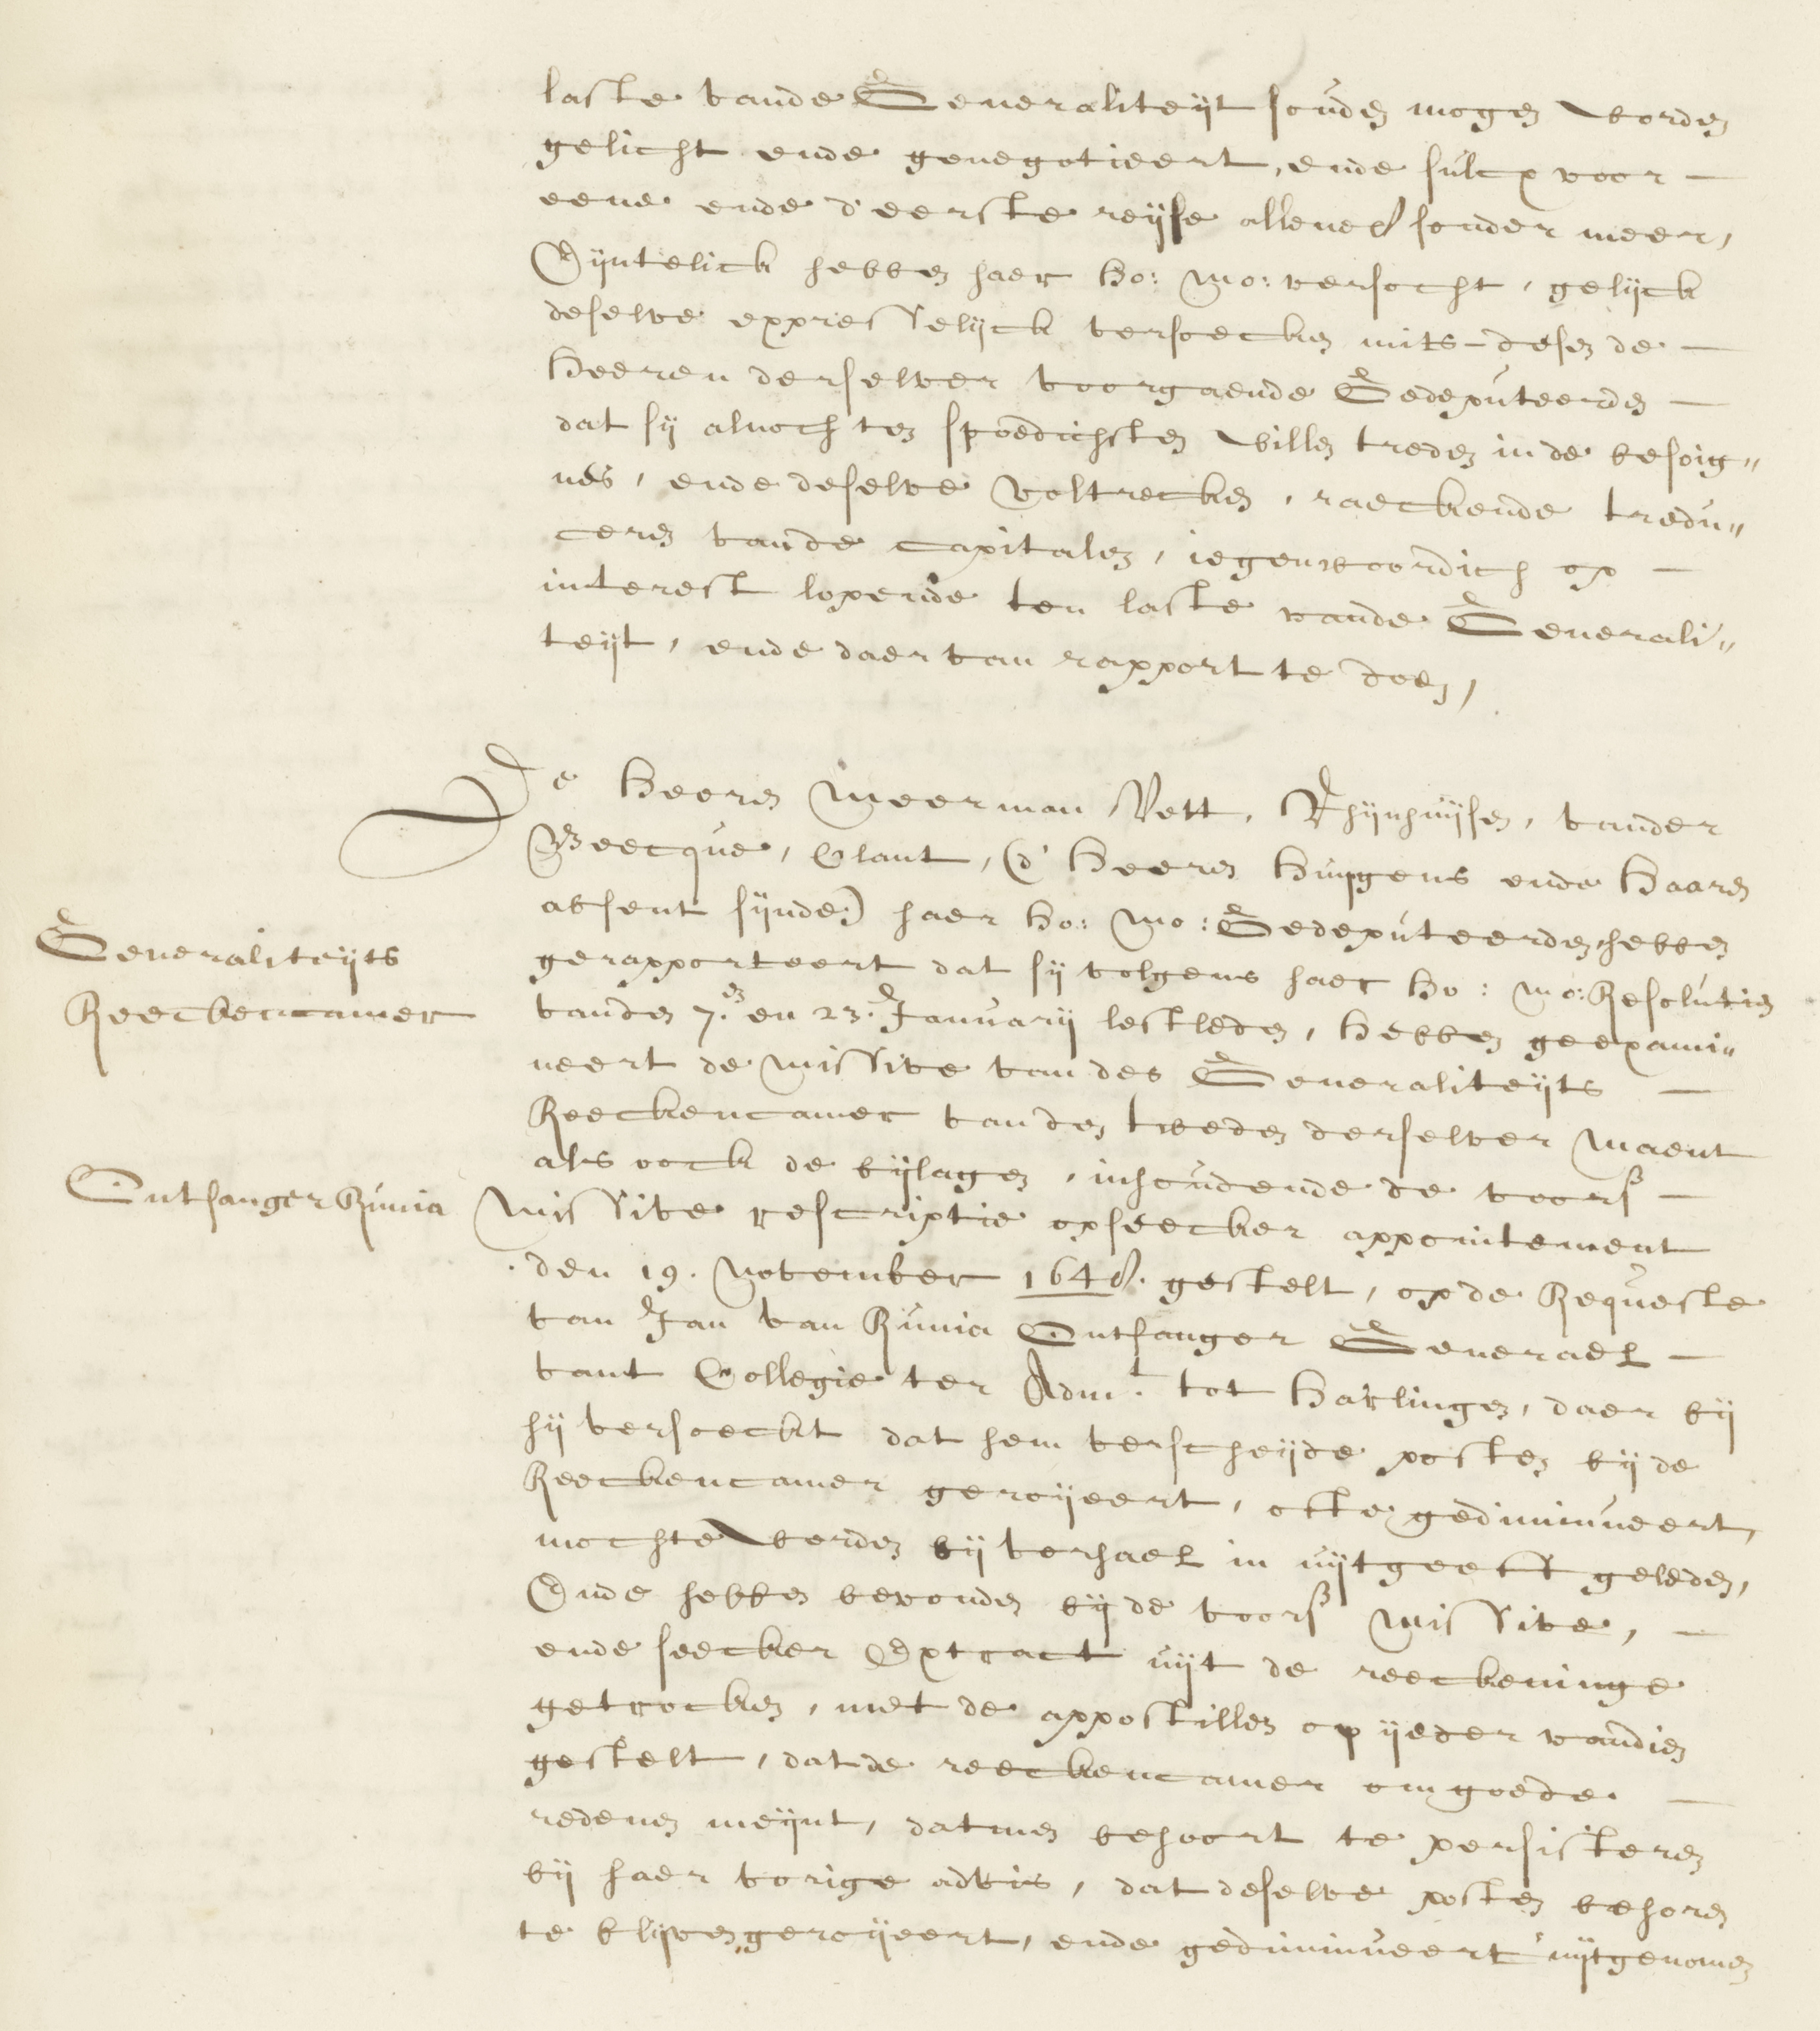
laste vande Generaliteijt souden mogen worden
gelicht ende genegotieert, ende sulcx voor
eene ende d‛eerste reijse allenel sonder meer.
Eijntelick hebben haer Ho:Mo: versocht, gelijck
deselve expresselijck versoecken mits-desen de
Heeren derselver voorgaende Gedeputeerden
dat sij alnoch ten spoedichsten willen treden in de besoig„
nes, ende deselve voltrecken, raeckende tredu„
ceren van de capitalen, iegenwoordich op
interest lopende ten laste vande Generali„
teijt, ende daervan rapport te doen.
Generaliteijts
Reeckencamer
Ontfanger Runia
De Heeren Meerman Vett, Rhijnhuijsen, vander
Beecque, Clant, (Heeren Huygens ende Haaren
absent sijnde) haer Ho:Mo: Gedeputeerden hebben
gerapporteert dat sij volgens haer Ho:Mo: Resolutien
vanden 7en. en 23. Januarij lestleden, hebben geexami„
neert de missive van des Generaliteijts
Reeckencamer van den tweden derselver maent
als oock de bijlagen, inhoudende de voors
Missive rescriptie op seecker appointement
den 19. November 1648. gestelt, op de Requeste
van Jan van Runia Ontfanger Generael
vant Collegie ter Admt. tot Harlingen, daer bij
hij versoeckt dat hem verscheijde posten bij de
Reeckencamer geroijeert, ofte gediminueert,
mochte werden bij verhael in uijtgeeff geleden.
Ende hebben bevonden bij de voors missive,
ende seecker Extract uijt de reeckeninge
getrocken, met de appostillen op ijeder vandien
gestelt, dat de reeckencamer om goede
redenen meijnt, datmen behoort te persisteren
bij haer vorige advis, dat deselve posten behoren
te blijven geroijeert, ende gediminueert uijtgenomen
